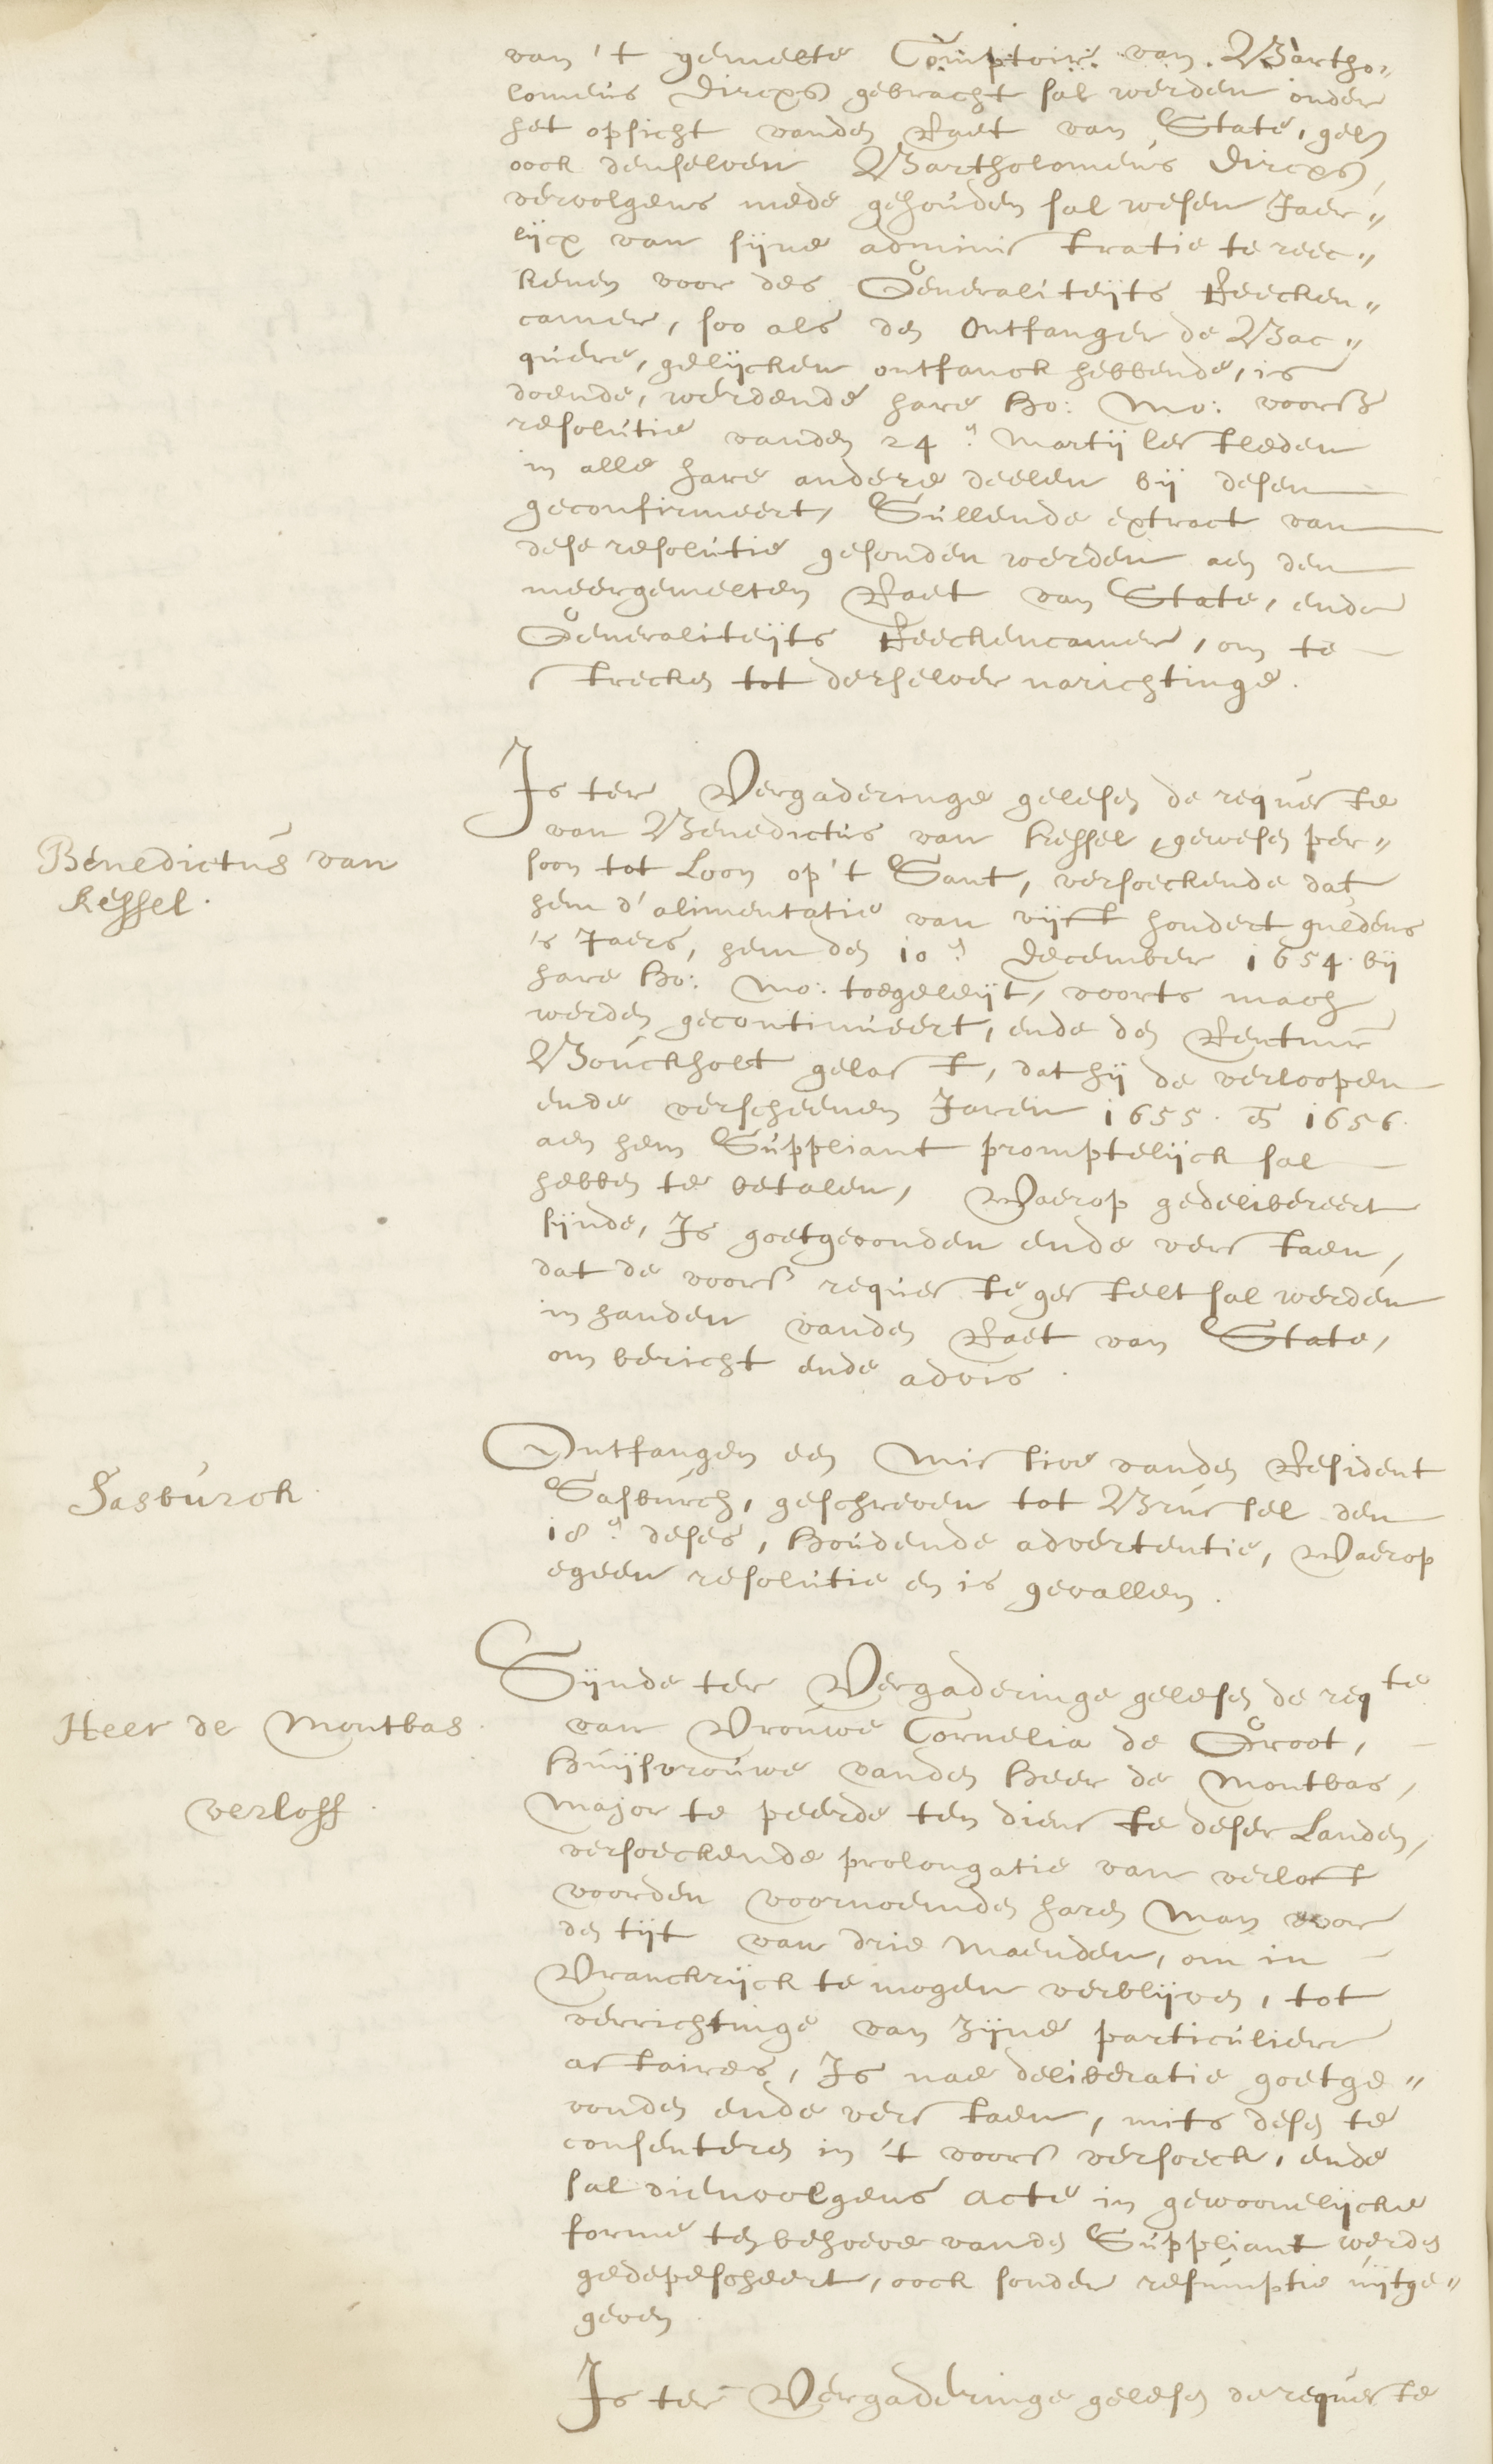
van 't gemelte Comptoir van Bartho„
lomeus Dircxs gebracht sal werden onder
het opsicht vanden Raet van State, gel
oock denselver Bartholomeus Dircxs
vervolgens mede gehouden sal wesen Jaer„
lijcx van sijne adminstratie te reec„
kenen voor des Generaliteijts Reecken„
camer, soo als den Ontfanger de Bac„
quere, gelijcken ontfanck hebbende, is
doende, werdende hare Ho:Mo: voors
resolutie vanden 24e. Martij lestleden
in alle hare andere deelen bij desen
geconfirmeert, Sullende extract van
dese resolutie gesonden werden aen den
meergemelten Raet van State, ende
Generaliteijts Reeckencamer, om te
strecken tot derselver narichtinge.
Benedictus van
Kessel.
Is ter Vergaderinge gelesen de requeste
van Benedictus van Kessel, gewesen per„
soon tot Loon op 't Sant, versoeckende dat
hem d'alimentatie van vijff hondert guldens
‛s Jaers, hem den 10e. December 1654. bij
hare Ho:Mo: toegeleijt, voorts mach
werden gecontinueert, ende den Rentmr
Bouckholt gelast, dat hij de verloopen
ende verscheenen Jaren 1655. & 1656.
aen hem Suppliant promptelijck sal
hebben te betalen. Waerop gedelibereert
sijnde, Is goetgevonden ende verstaen,
dat de voors requeste gestelt sal werden
in handen vanden Raet van State,
om bericht ende advis.
Sasburch.
Ontfangen een Missive vanden Resident
Sasburch, geschreven tot Brussel den
18e. deses, Houdende advertentie, Waerop
egeen resolutie en is gevallen.
Heer de Montbas
verloff.
Sijnde ter Vergaderinge gelesen de reqte.
van Vrouwe Cornelia de Groot,
Huijsvrouwe vanden Heer de Montbas,
Major te peerde ten dienste deser Landen,
versoeckende prolongatie van verloff
voorden voornoemden haren man voor
den tijt van drie maenden, om in
Vranckrijck te mogen verblijven, tot
verrichtinge van zijne particuliere
affaires. Is nae deliberatie goetge„
vonden ende verstaen, mits desen te
consenteren in 't voors versoeck, ende
sal dienvolgens acte in gewoonelijcke
forme ten behoeve vanden Suppliant werden
gedepescheert, oock sonder resumptie uijtge„
geven
Is ter Vergaderinge gelesen de requeste
